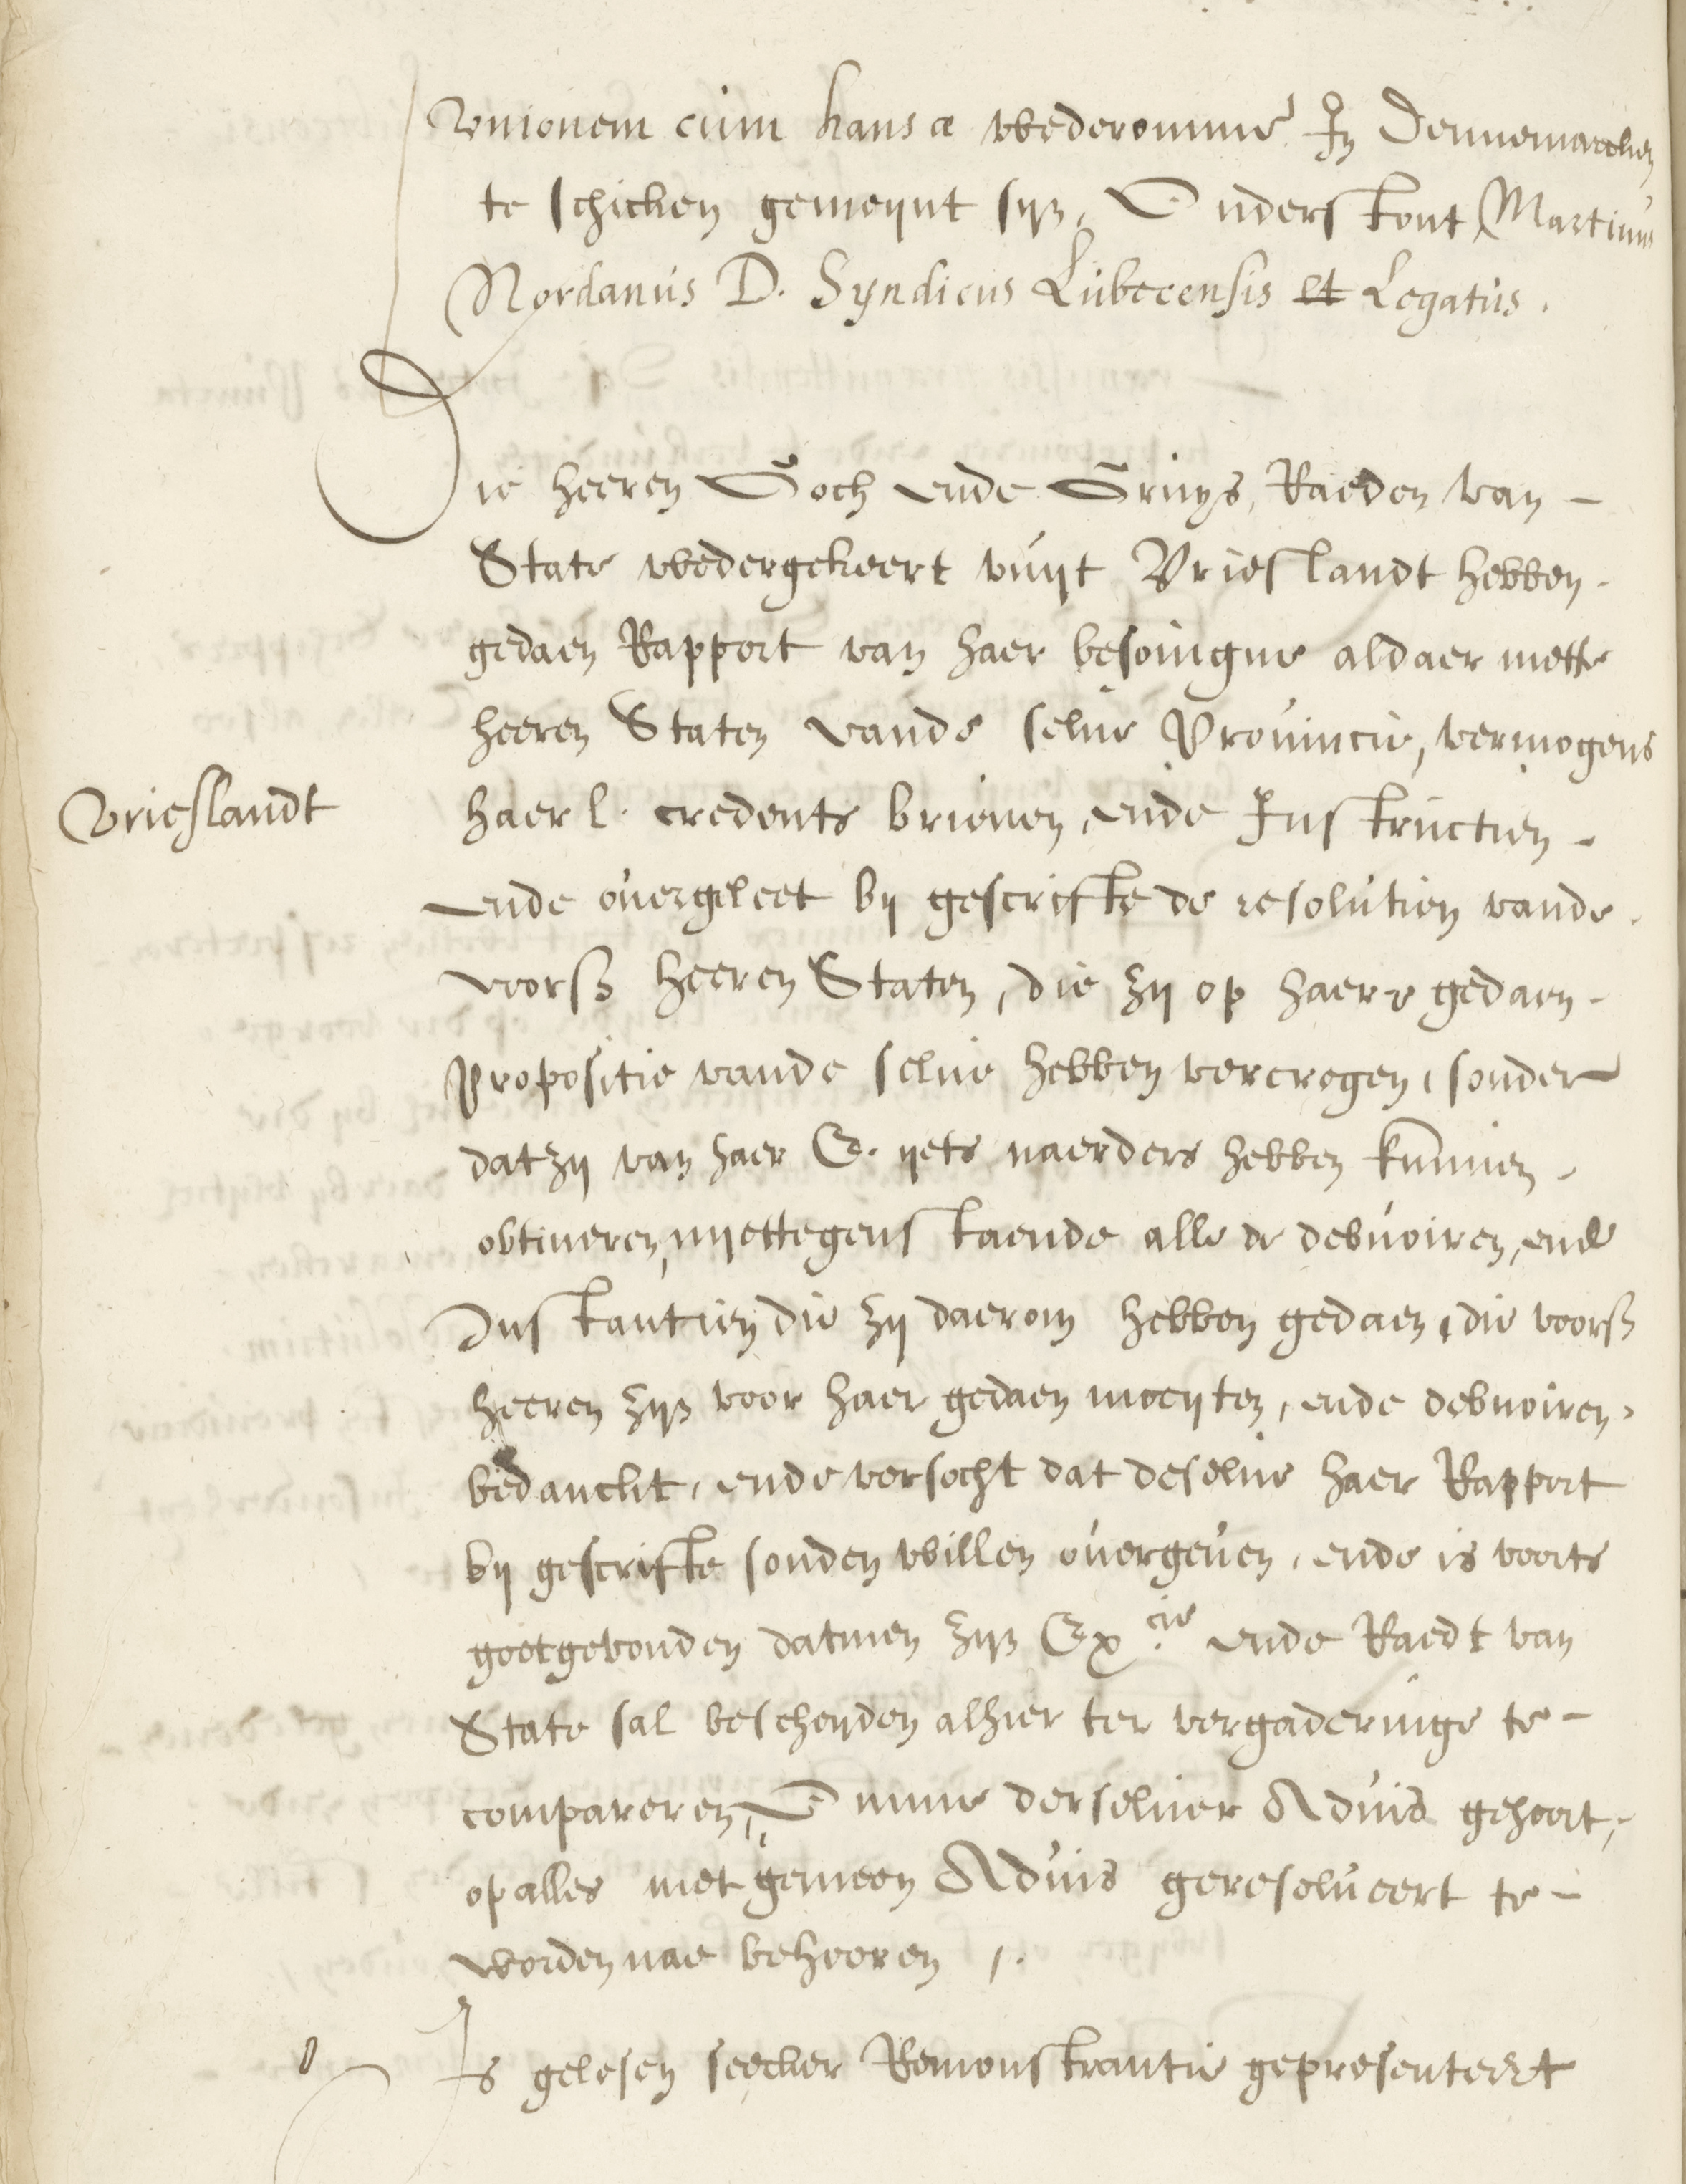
Unionem cum hansa wederomme In Dennemarcken
te schicken gemeynt syn. Onderstont Martinus
Nordanus D. Syndicus Lubecensis et Legatus.
Vrieslandt
Die heeren Goch ende Gruys, Raeden van -
State wedergekeert vuyt Vrieslandt hebben
gedaen Rapport van haer besoingne aldaer mette
heeren Staten vande selue Prouincie, vermogens
haer L. credents brieuen, ende Instructien
ende ouergeleet by gescrifte de resolutien vande
voors heeren Staten, die zy op haere gedaen
propositie vande selue hebben vercregen, sonder
dat zy van haer E. yets naerders hebben kunnen
obtineren nyettegenstaende alle de debuoiren, ende
Instantien die zy daerom hebben gedaen. die voors
heeren zyn voor haer gedaen moeyten, ende debuoiren
bedanckt, ende versocht dat deselue haer Rapport
by gescrifte souden willen ouergeuen, ende is voorts
goetgevonden datmen zyn Excie. ende Raedt van
State sal bescheyden alhier ter vergaderinge te
compareren, Omme derseluer Aduis gehoort,-
op alles met gemeen Aduis geresolueert te
worden nae behooren.
Is gelesen seecker Remonstrantie gepresenteert
